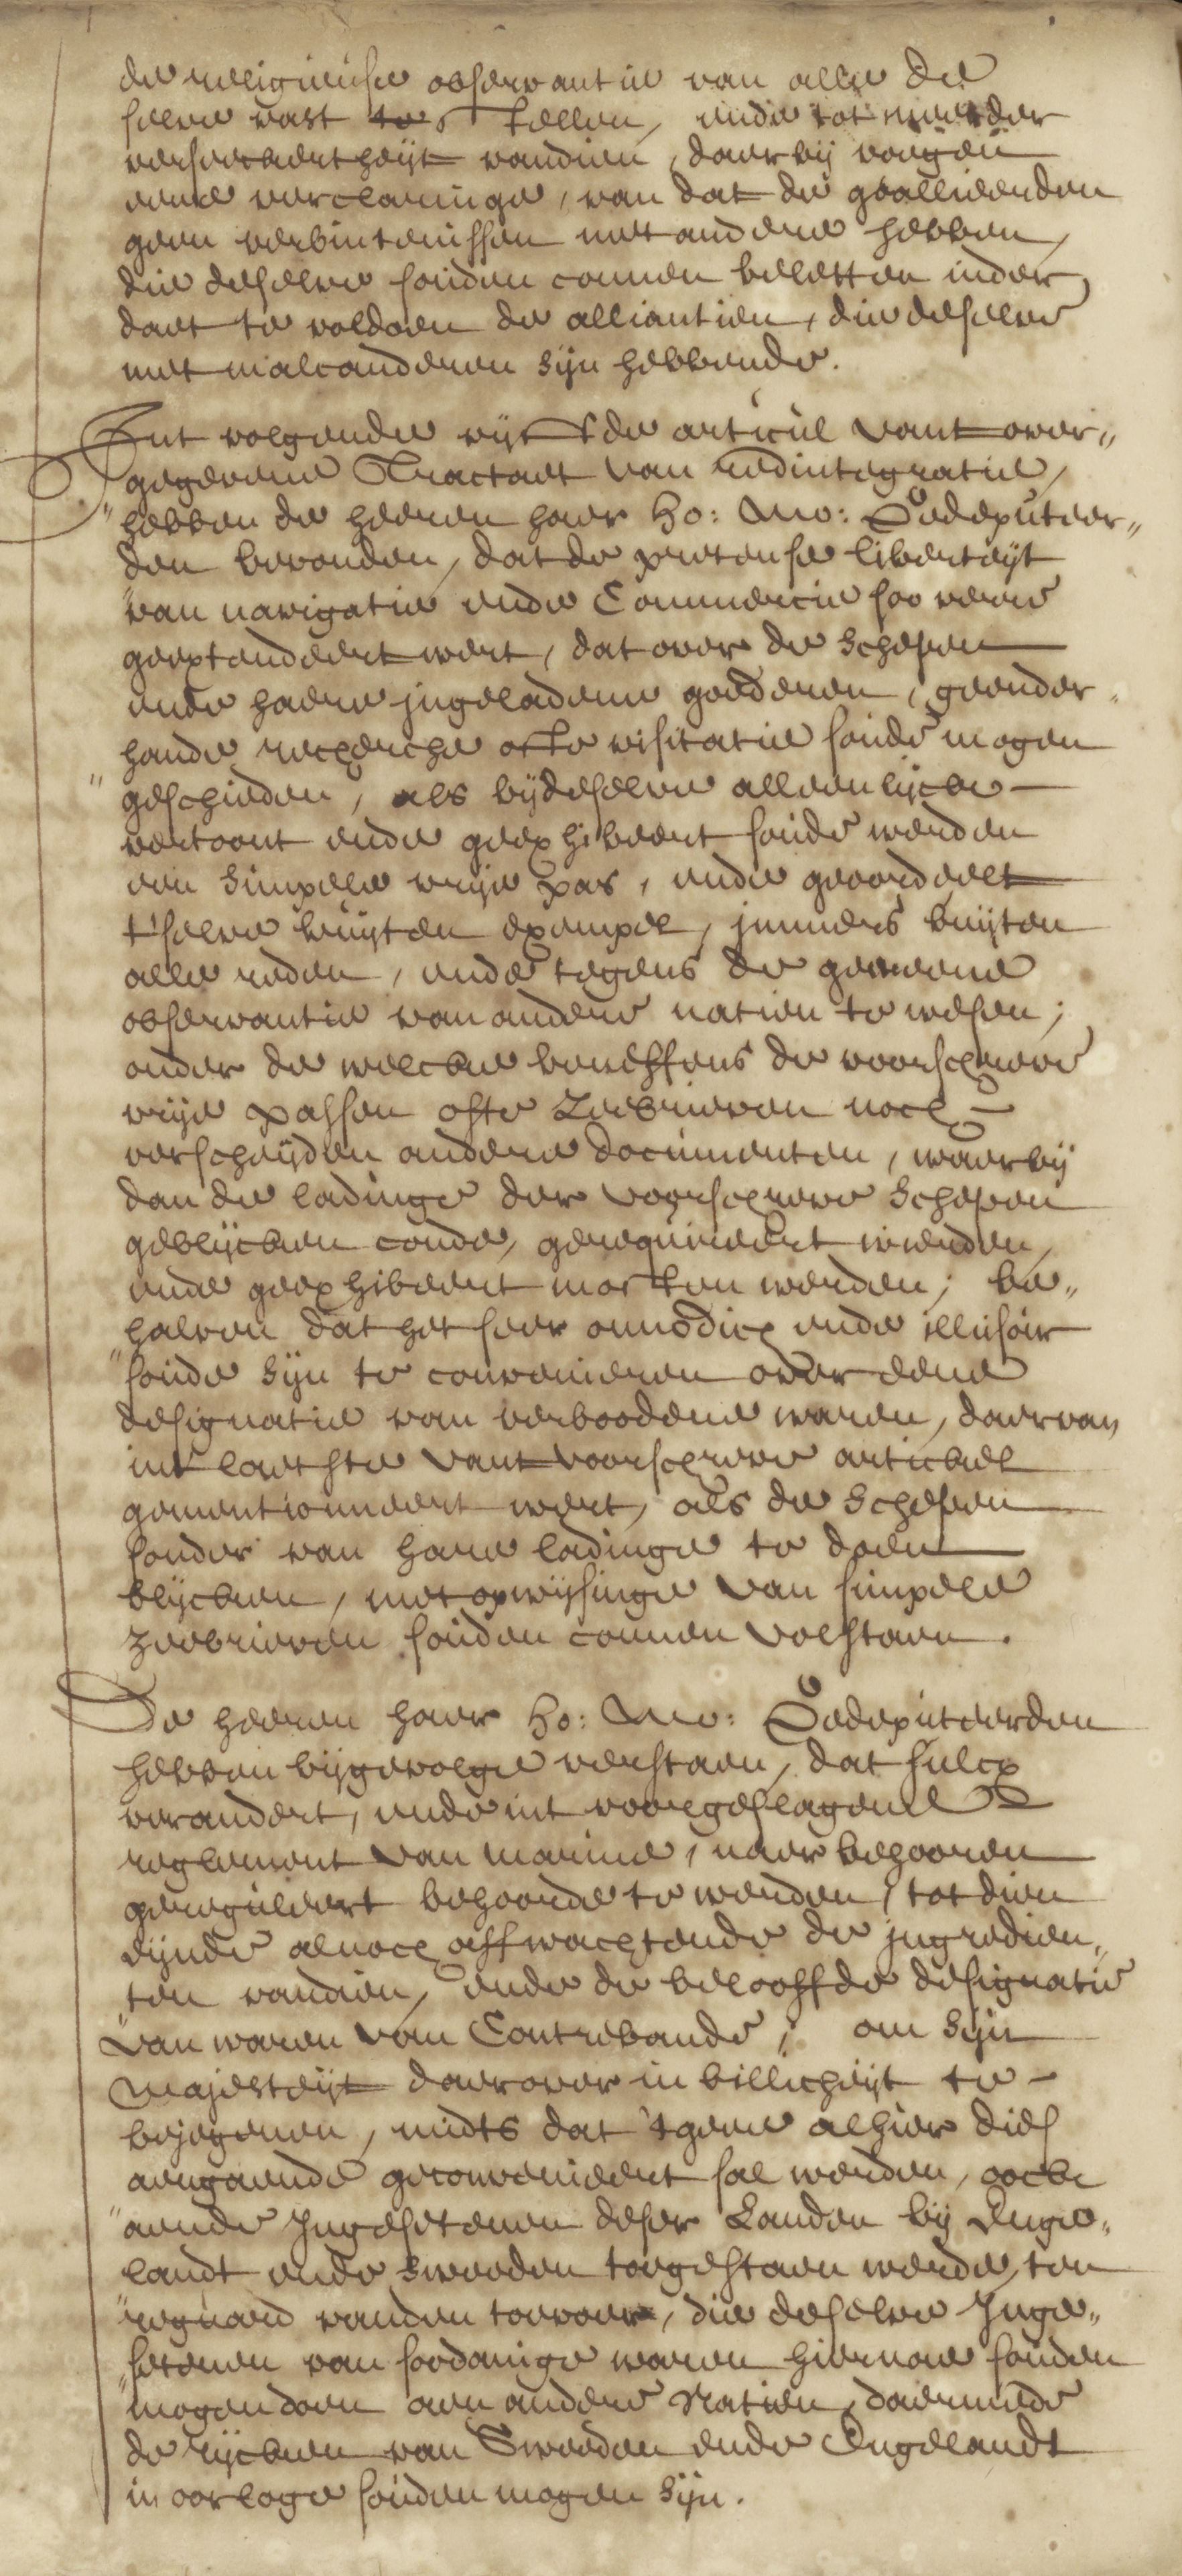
de religieuse observantie van alle de
selve vast te stellen, ende tot meerder
verseeckertheijt vandien, daerbij voegen
eene verclaringe, van dat de geallieerden
geen verbintenissen met andere hebben
die deselve souden connen beletten inder
daet te voldoen de alliantien, die deselve
niet malcanderen sijn hebbende.
Int volgende vijffde articul vant over„
,,gegevene Tractaet van redintegratie,
hebben de heeren haer Ho:Mo: Gedeputeer,
den bevonden, dat de pretense liberteijt
van navigatie ende Commercie soo verre
geextendeert wert, dat over de schepen
ende haere ingeladene goederen, geender,,
hande recherche ofte visitatie soude mogen
geschieden, als bijdeselve alleenlijck
vertoont ende geexhibeert soude werden
een simpele vrije pas, ende geoordeelt
t'selve buijten exempel, immers buijten
alle reden, ende tegens de gemeene
observantie van andere natien te wesen;
onder de welcke beneffens de voorschreve
vrije passen ofte zeebrieven noch
verscheijden andere documenten, waerbij
dan de ladinge der voorschreve schepen
geblijcken conde, gerequireert wierden
ende geexhibeert mosten werden; be,,
,,halven dat het seer onnodich ende illusoir
soude sijn te convenieren over eene
designatie van verboodene waren, daervan
int laetste vant voorschreve artickel
gementionneert wert, als de schepen
sonder van hare ladinge te doen
blijcken, met opwijsinge van simpele
zeebrieven souden connen volstaen
De heeren haer Ho:Mo: Gedeputeerden
hebben bijgevolge verstaen, dat sulcx
verandert, ende int voorgeslagene
reglement van marine, naer behooren
gereguleert behoorde te werden, tot dien
eijnde alnoch aft wachtende de ingredien,,
,,ten vandien, ende de belooffde designatie
van waren van Contrebande, om sijn
majesteijt daerover in billicheijt te
bejegenen, midts dat 't gene alhier dies
aengaende geconveneert sal werden, oock
aende Ingesetenen deser landen bij Enge,,
,,landt ende Sweeden toegestaen werde, ten
reguard vanden toevoer, die deselve inge,,
,,setenen van soodanige waren hiernae souden
mogendoen aen andere Natien, daermede
de rijcken van Sweeden ende Engelandt
in oorloge souden mogen sijn.
